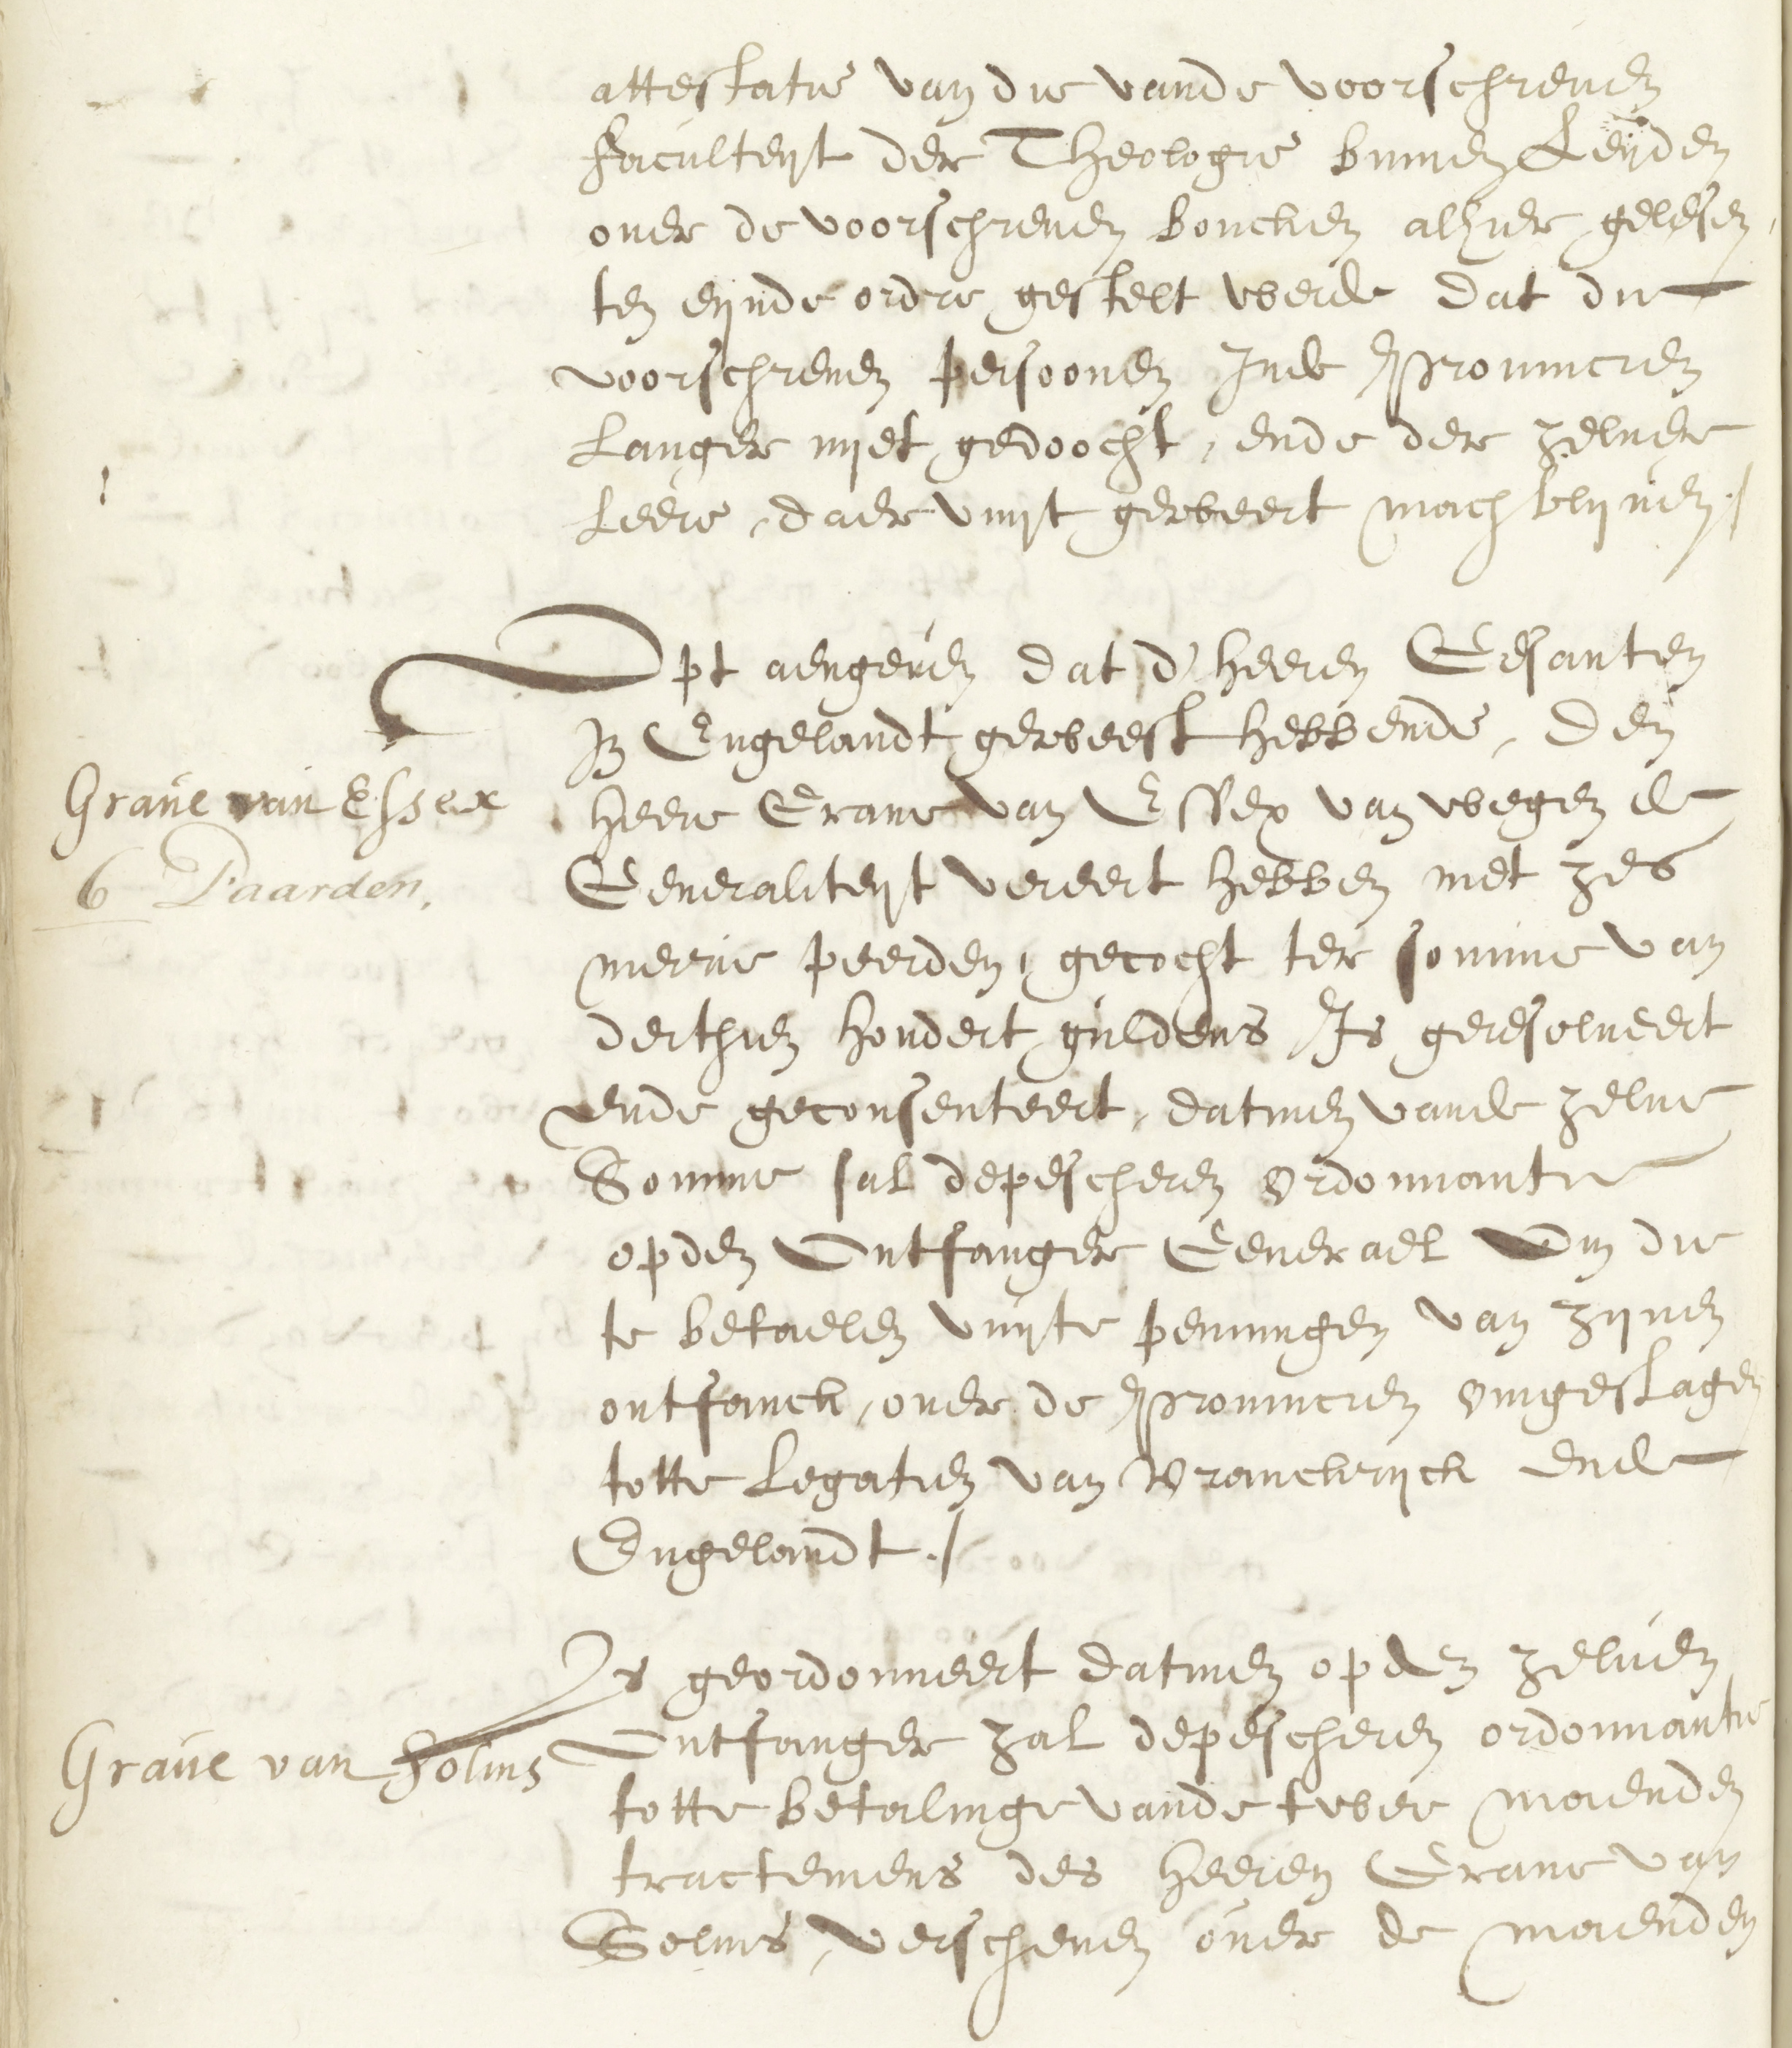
attestatie van die vande voorschreuen
faculteyt der Theologie binnen Leijden
ouer de voorschreuen boucken alhier gelesen,
ten eijnde ordre gestelt werde dat die
voorschreuen persoonen, Inde prouincien
langer nyet gedoocht, ende der zeluer
leere, daer vuyt geweert mach blyuen.
Graue van Essex
6 Paarden.
Opt aengeuen dat d'heeren Gesanten
in Engelandt geweest hebbende, Den
heere Graue van Essex van wegen de
Generaliteyt vereert hebben met zes
nieeue peerden, gecocht ter somme van
derthien hondert guldens, Is geresolueert
ende geconsenteert, datmen vande zelue
Somme sal depescheren ordonnantie
opden Ontfanger Generael om die
te betaelen vuyte penningen van zynen
ontfanck, ouer de prouincien omgeslagen
totte Legatien van Vranckryck ende
Engelandt.
Graue van Solms
Is geordonneert datmen opden zeluen
Ontfanger zal depescheren ordonnantie
totte betalinge vande twee maenden
tractemens des heeren Graue van
Solms, verschenen ouer de maenden
